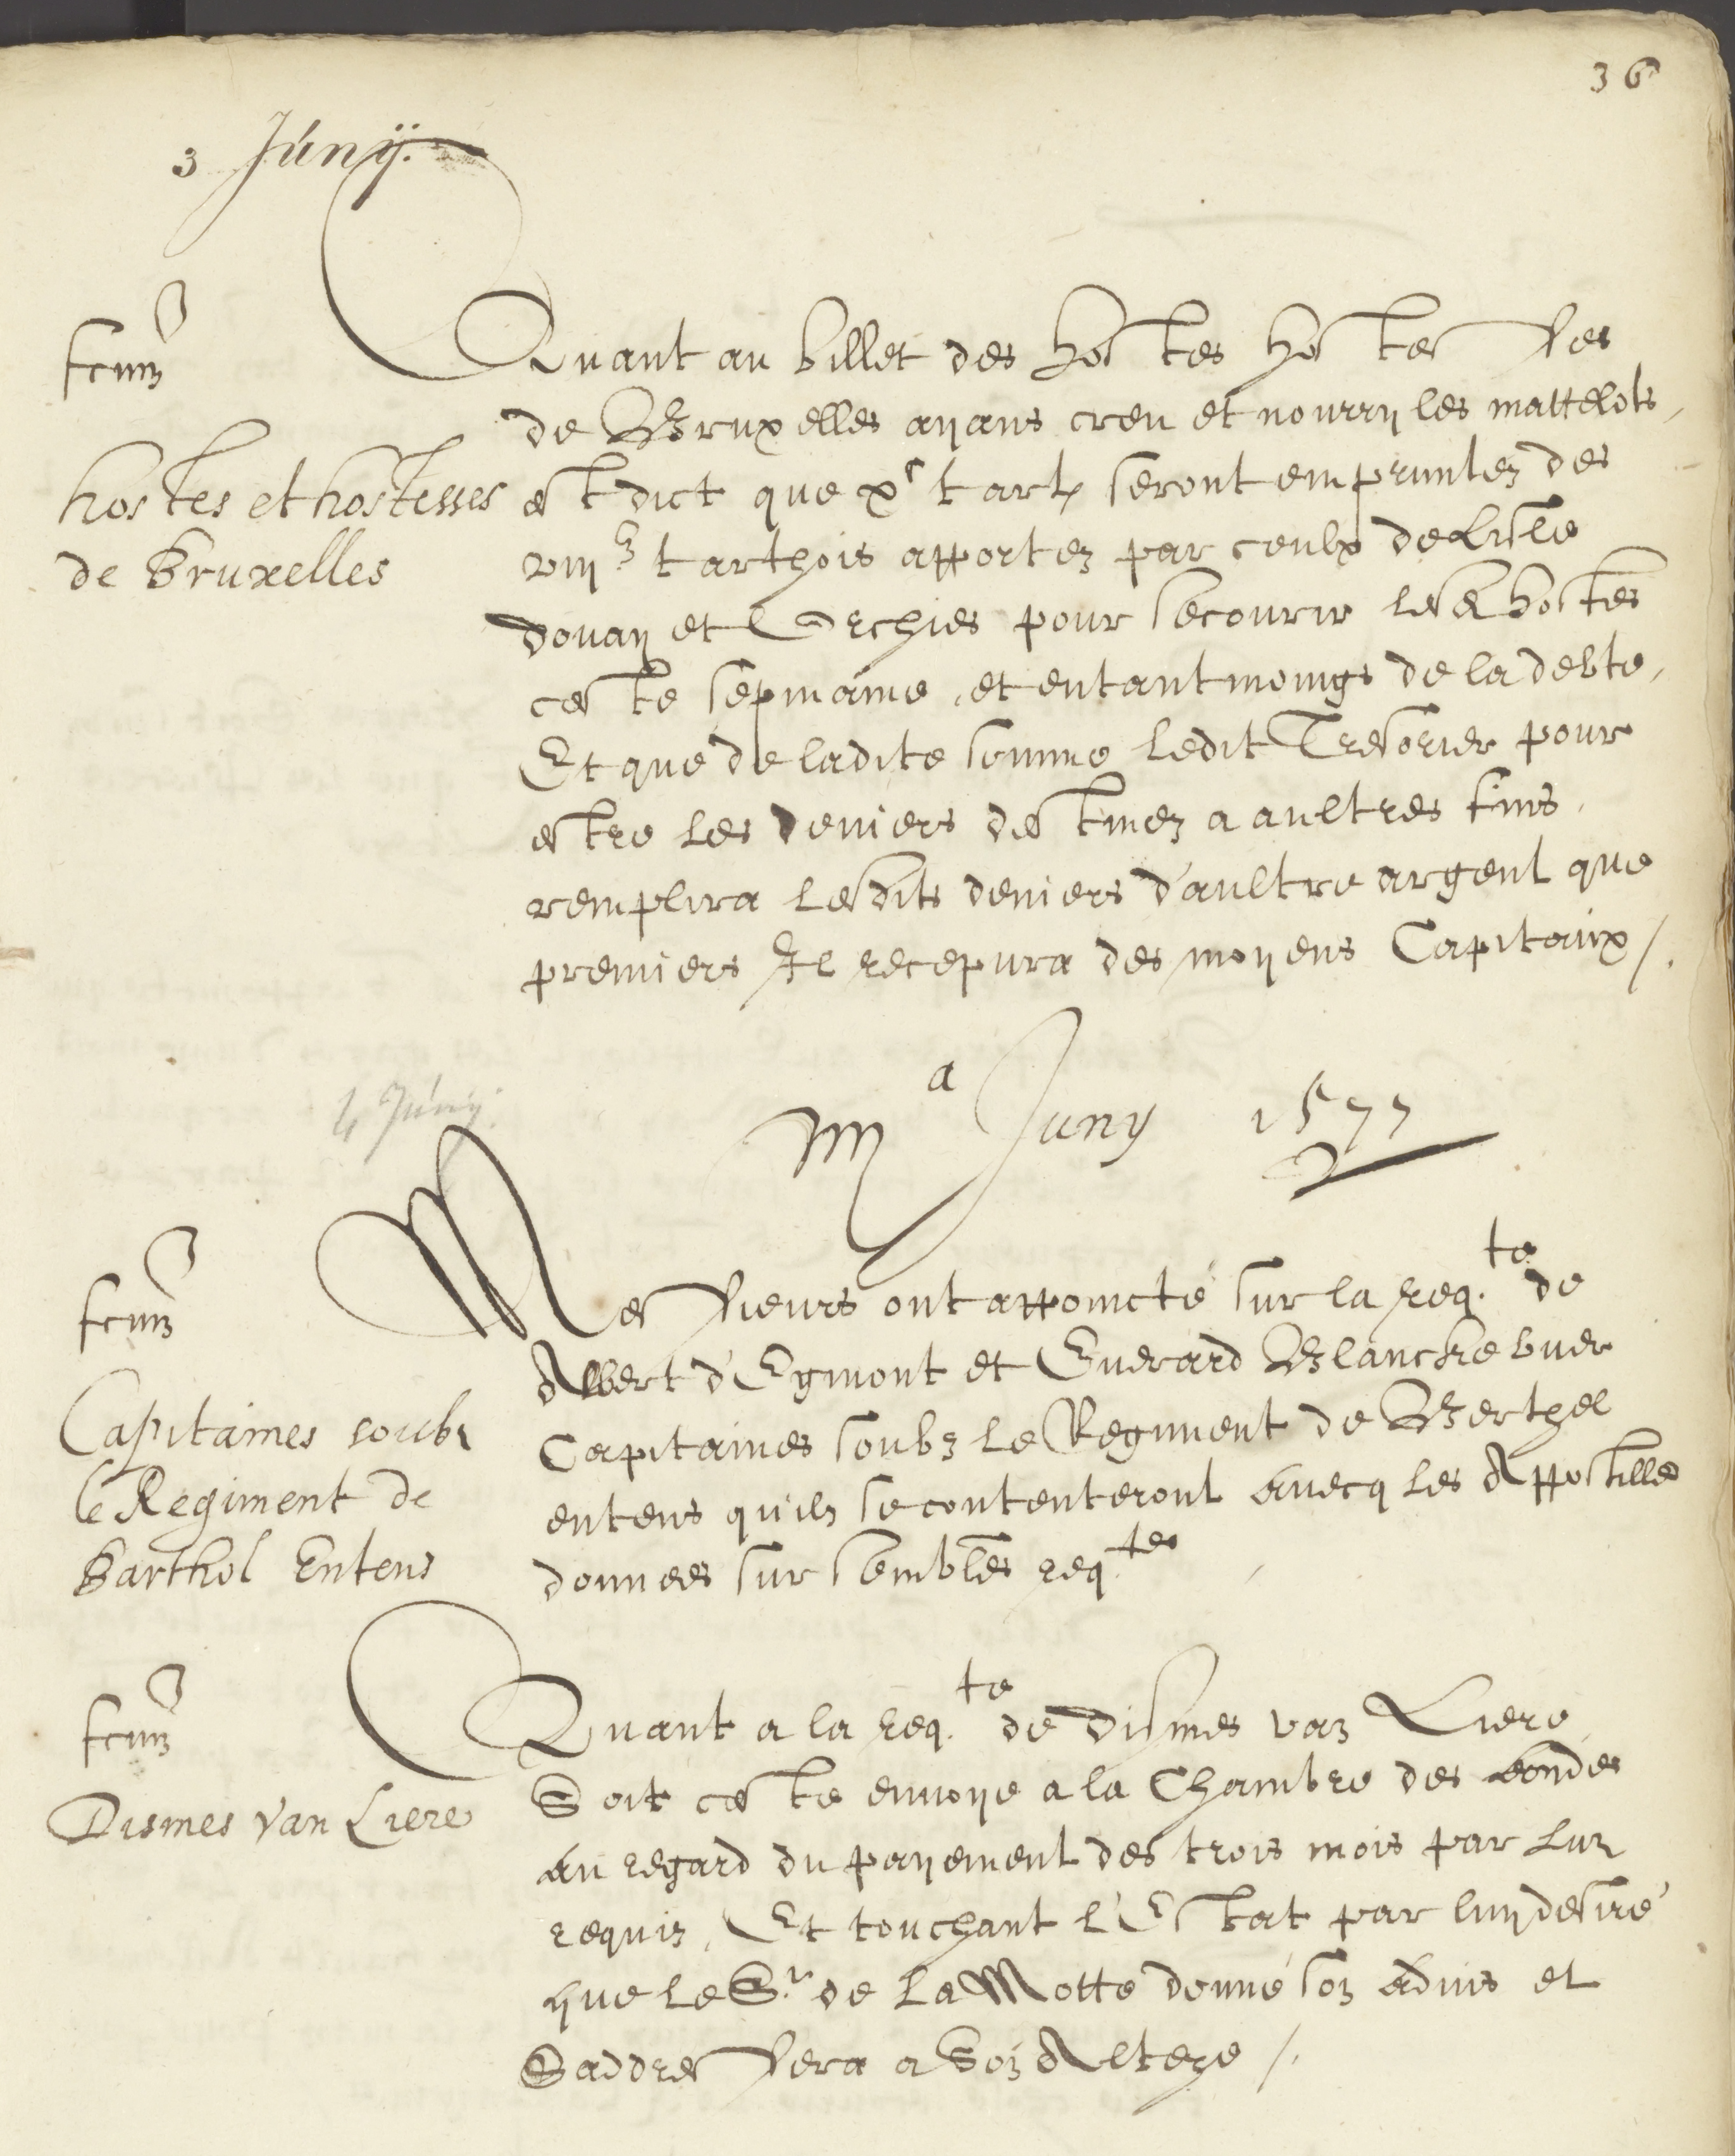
36
3 Junij
fcum
hostes et hostesses
de Bruxelles
Quant au billet des hostes hostesses
de Bruxelles ayans creu et nourry les maltelots
est dict que xc L. arth seront empruntez des
viiim L. arthois apportez par ceulx de Lisle
Douay et Orchies pour secourir lesd hostes
ceste sepmaine, et entant moings de la debte.
Et que de ladite somme ledit Tresorier pour
estre les deniers destinez a aultres fins
remplira lesdits deniers d'aultre argent que
premiers Il recepura des moyens capitaux.
iiiia juny 1577
fcum
Capitaines soubz
le Regiment de
Barthol Entens
Messieurs ont appoincté sur la reqte de
Albert d'Egmont et Everard Blanckebuer
capitaines soubz le Regiment de Berthel
entens qu'ils se contenteront avecq les Appostilles
donnees sur sembles reqtes.
fcum
Dismes van Liere
Quant a la reqte de Dismes van Liere
Soit ceste envoye a la Chambre des Aydes
au regard du payement des trois mois par luy
requiz. Et touchant l'Estat par luy desiré
que le Sr de la Motte donne son aduis et
S'addressera a Son Alteze.
